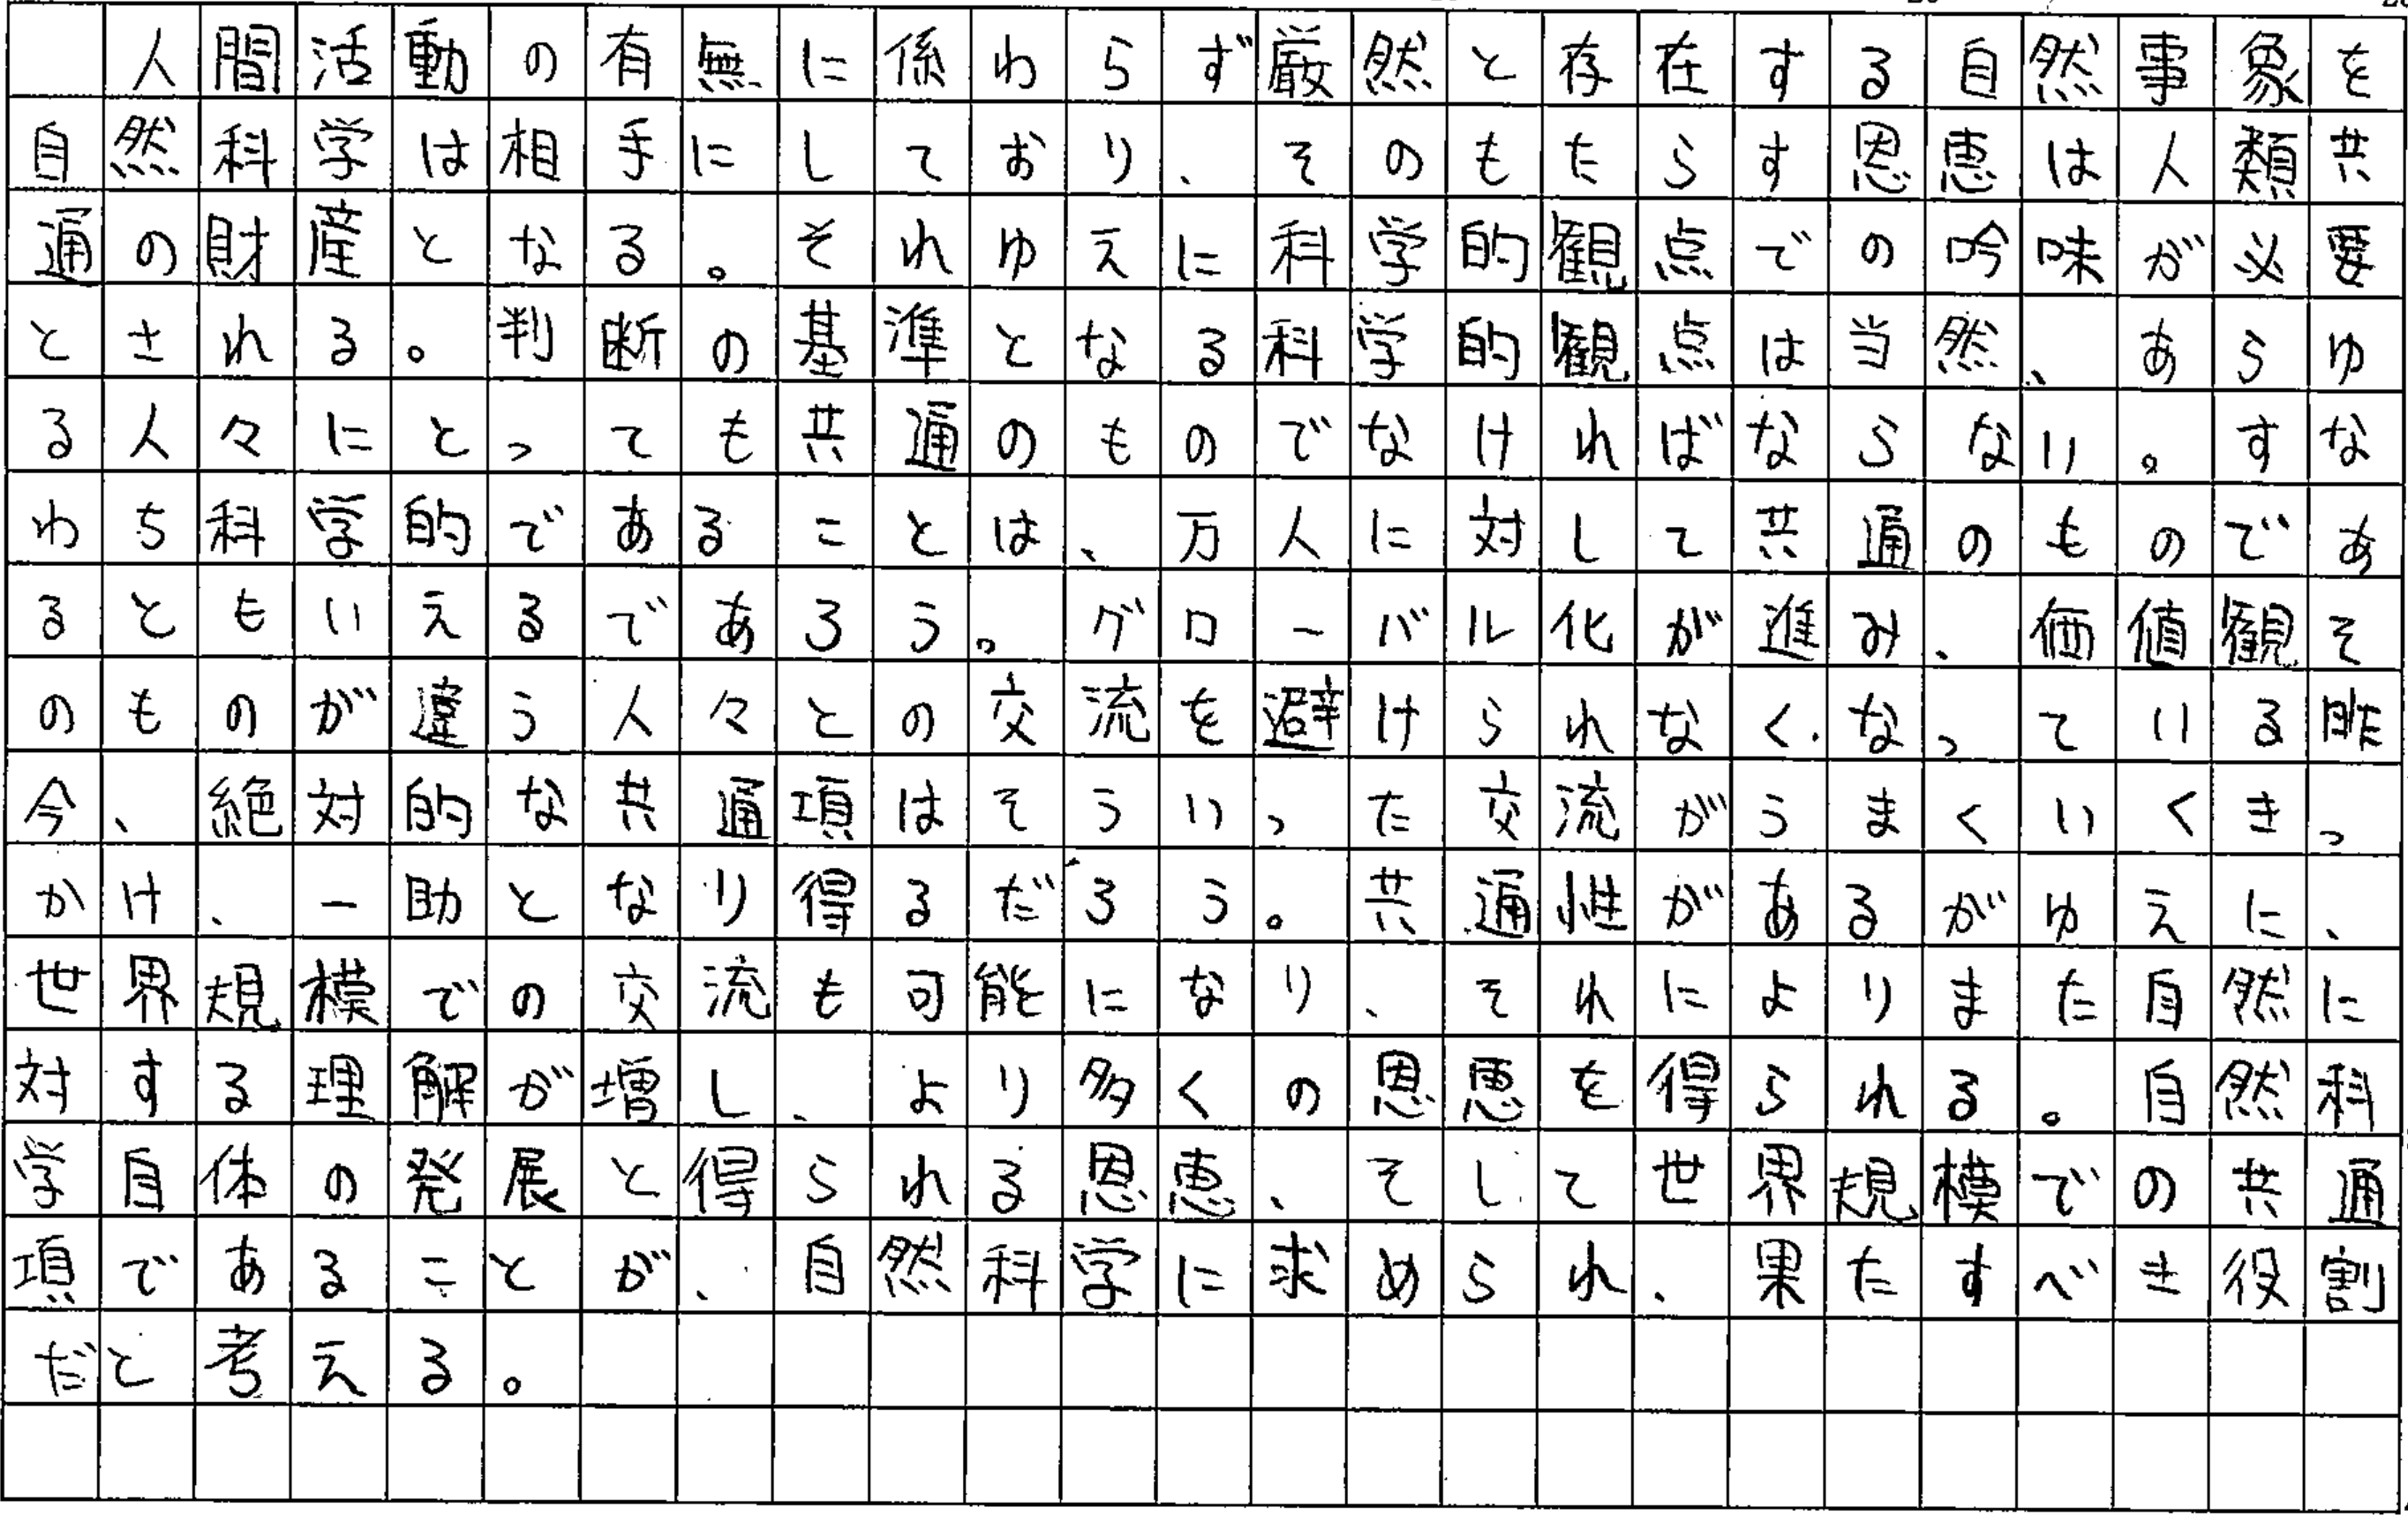　人間活動の有無に係わらず厳然と存在する自然事象を自然科学は相手にしており、そのもたらす恩恵は人類共通の財産となる。それゆえに科学的観点での吟味が必要とされる。判断の基準となる科学的観点は当然、あらゆる人々にとっても共通のものでなければならない。すなわち科学的であることは、万人に対して共通のものであるともいえるであろう。グローバル化が進み、価値観そのものが違う人々との交流を避けられなくなっている昨今、絶対的な共通項はそういった交流がうまくいくきっかけ、一助となり得るだろう。共通性があるがゆえに、世界規模での交流も可能になり、それによりまた自然に対する理解が増し、より多くの恩恵を得られる。自然科学自体の発展と得られる恩恵、そして世界規模での共通項であることが、自然科学に求められ、果たすべき役割だと考える。
